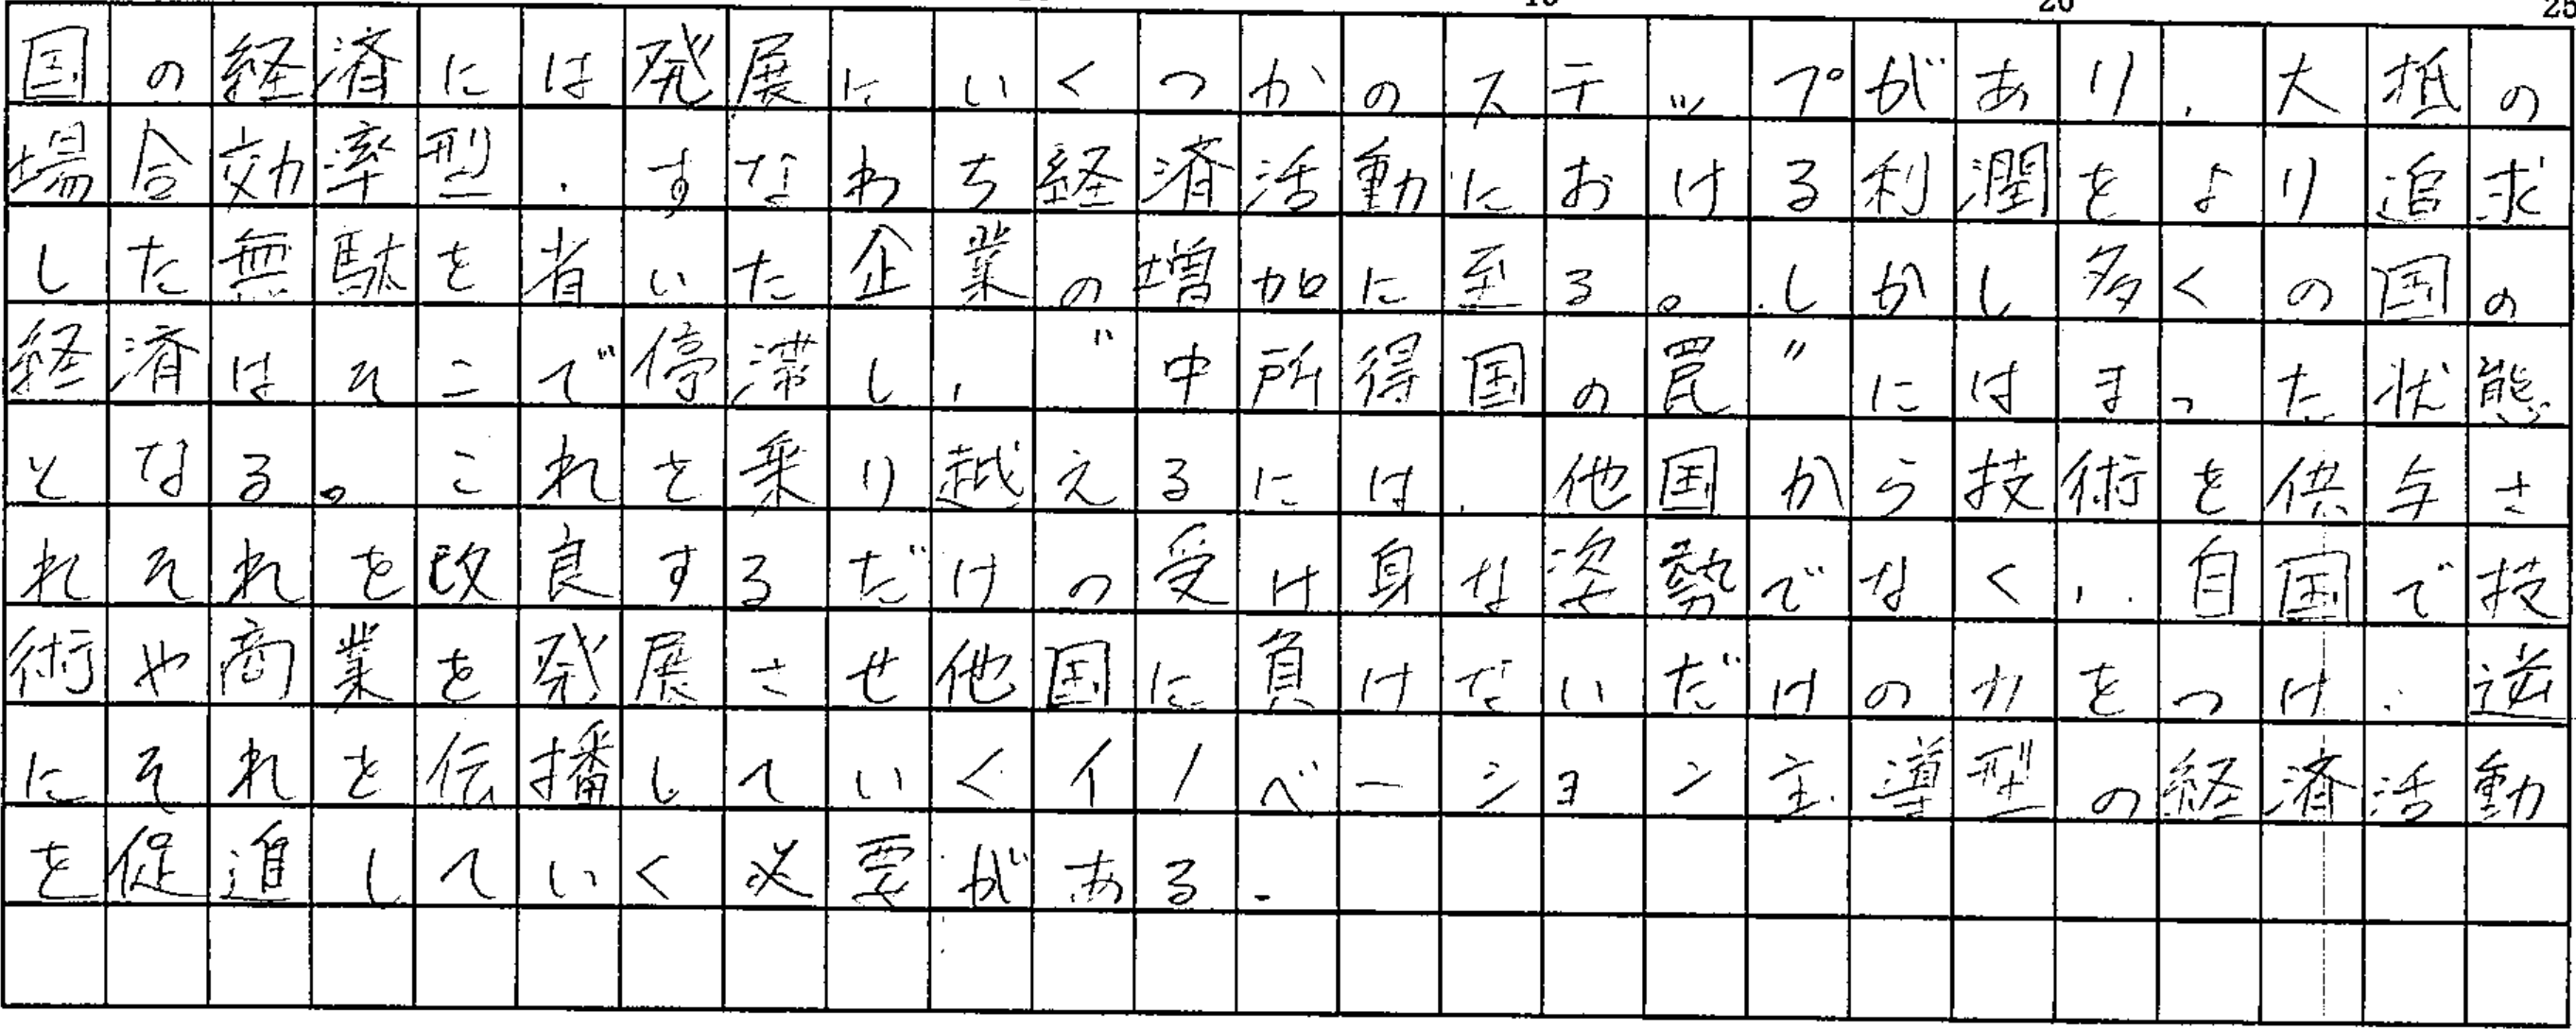国の経済には発展にいくつかのステップがあり、大抵の場合効率型、すなわち経済活動における利潤をより追求した無駄を省いた企業の増加に至る。しかし多くの国の経済はそこで停滞し，〝中所得国の罠″にはまった状態となる。これを乗り越えるには、他国から技術を供与されそれを改良するだけの受け身な姿勢でなく、自国で技術や商業を発展させ他国に負けないだけの力をつけ、逆にそれを伝播していくイノベーション主導型の経済活動を促進していく必要がある。
